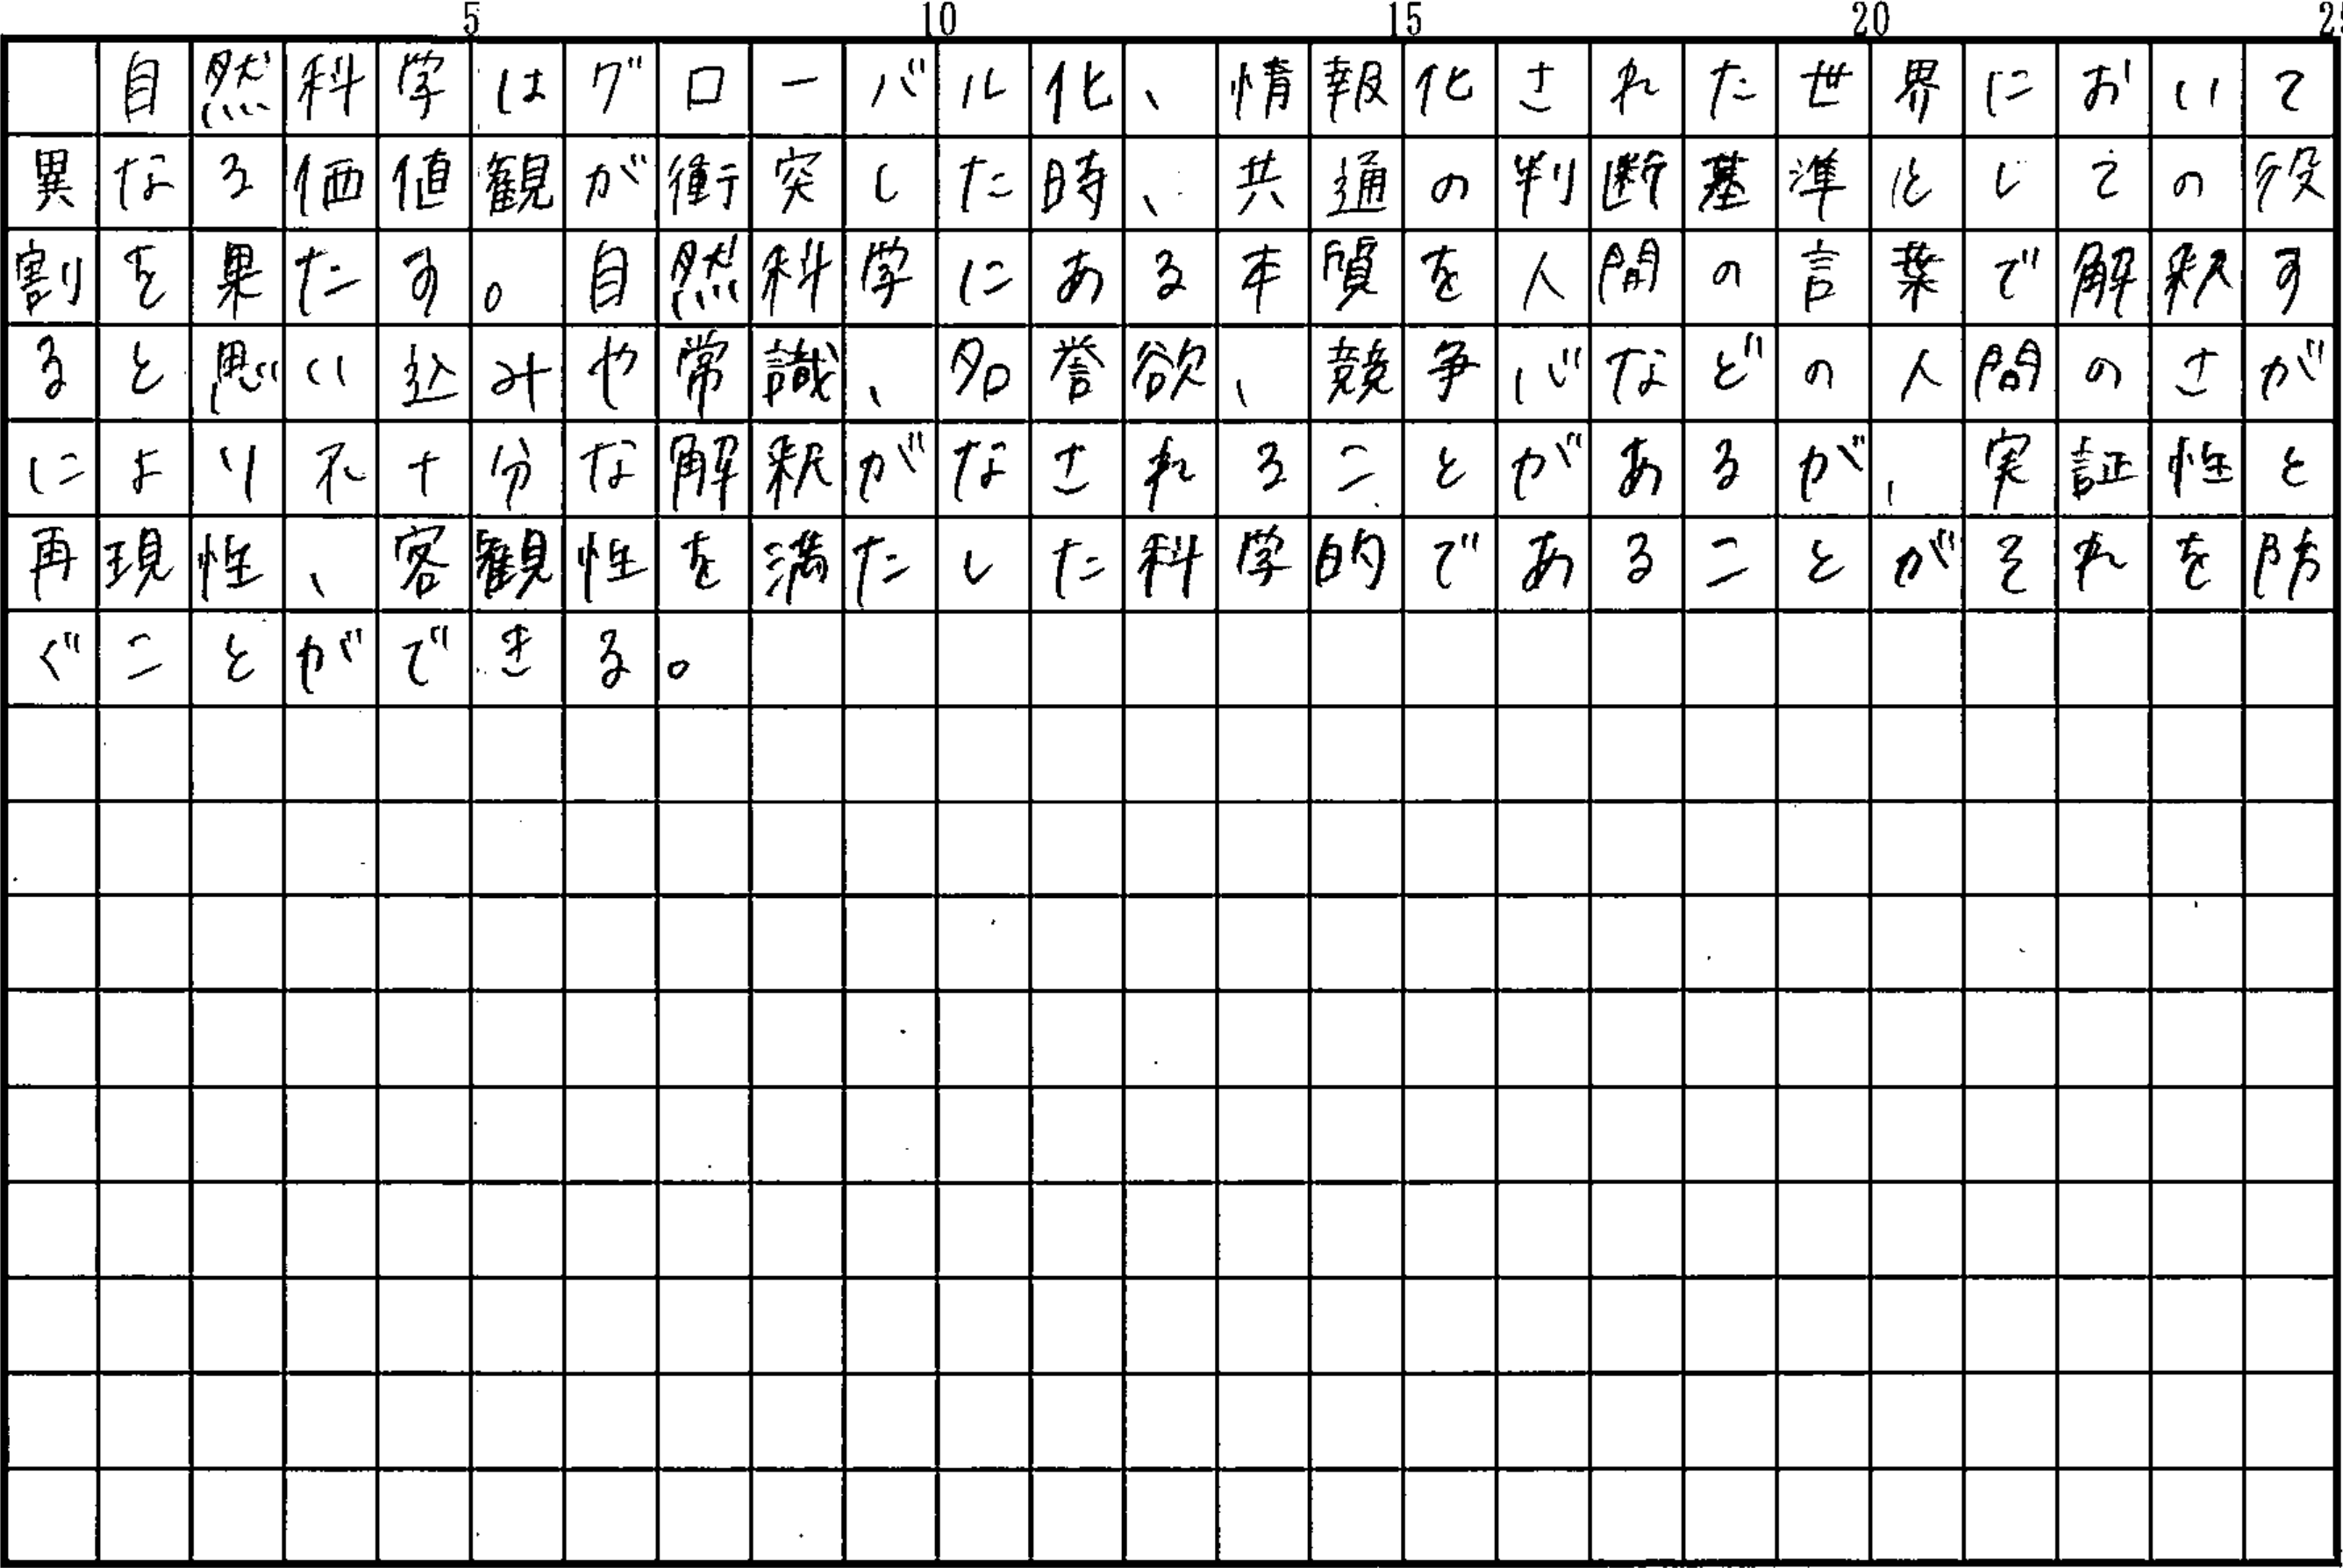　自然科学はグローバル化、情報化された世界において異なる価値観が衝突した時、共通の判断基準としての役割を果たす。自然科学にある本質を人間の言葉で解釈すると思い込みや常識、名誉欲、競争心などの人間のさがにより不十分な解釈がなされることがあるが、実証性と再現性、客観性を満たした科学的であることがそれを防ぐことができる。
